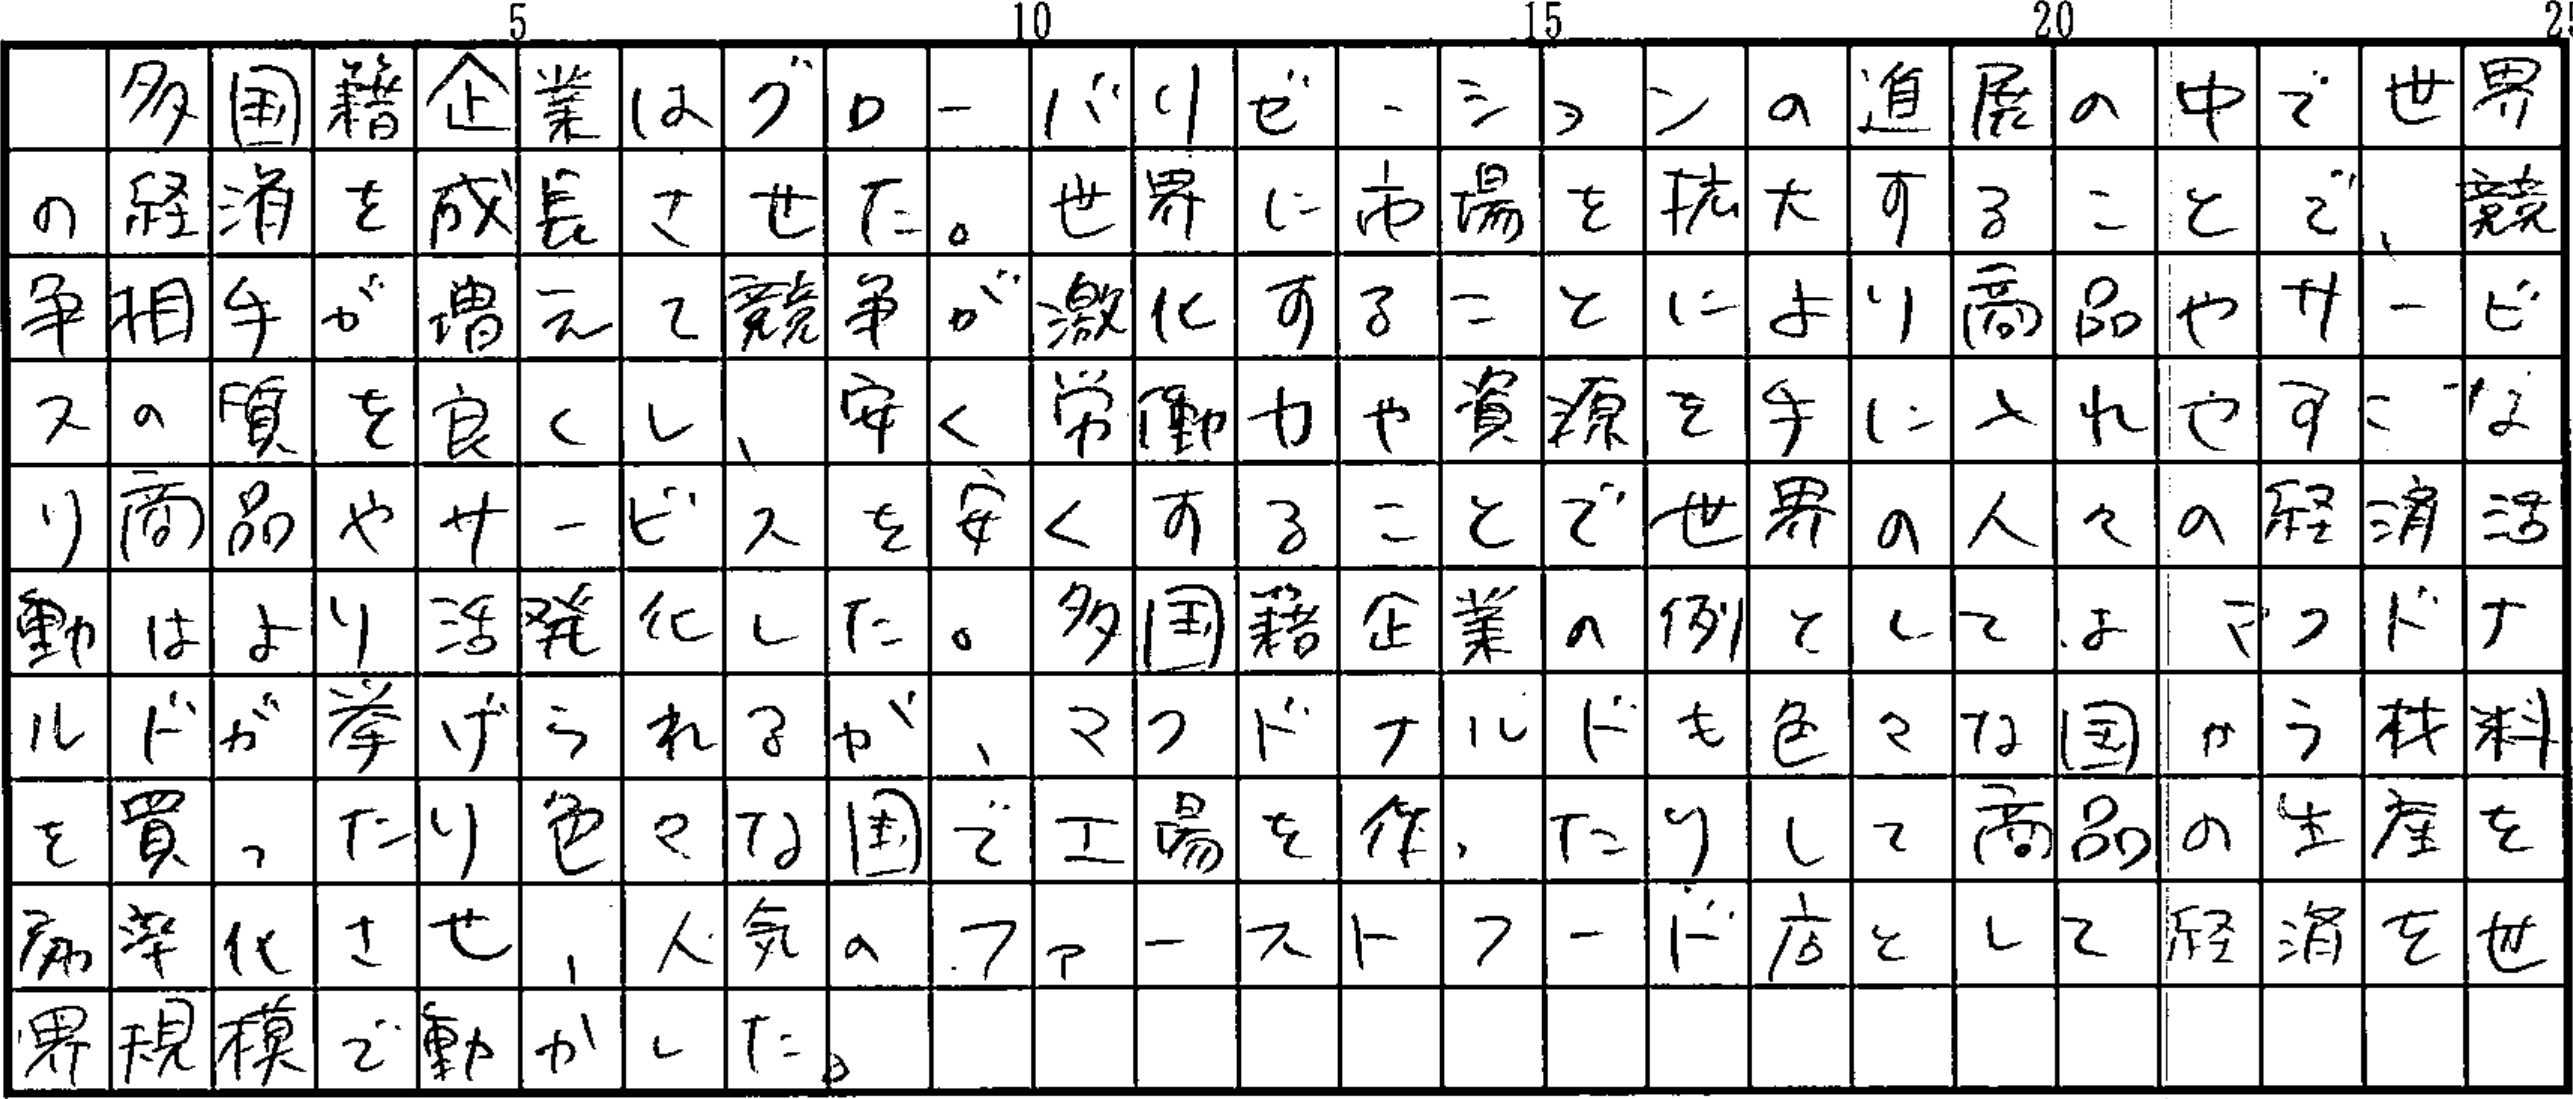　多国籍企業はグローバリゼーションの進展の中で世界の経済を成長させた。世界に市場を拡大することで、競争相手が増えて競争が激化することにより商品やサービスの質を良くし、安く労働力や資源を手に入れやすくなり商品やサービスを安くすることで世界の人々の経済活動はより活発化した。多国籍企業の例としてはマクドナルドが挙げられるが、マクドナルドも色々な国から材料を買ったり色々な国で工場を作ったりして商品の生産を効率化させ、人気のファーストフード店として経済を世界規模で動かした。
